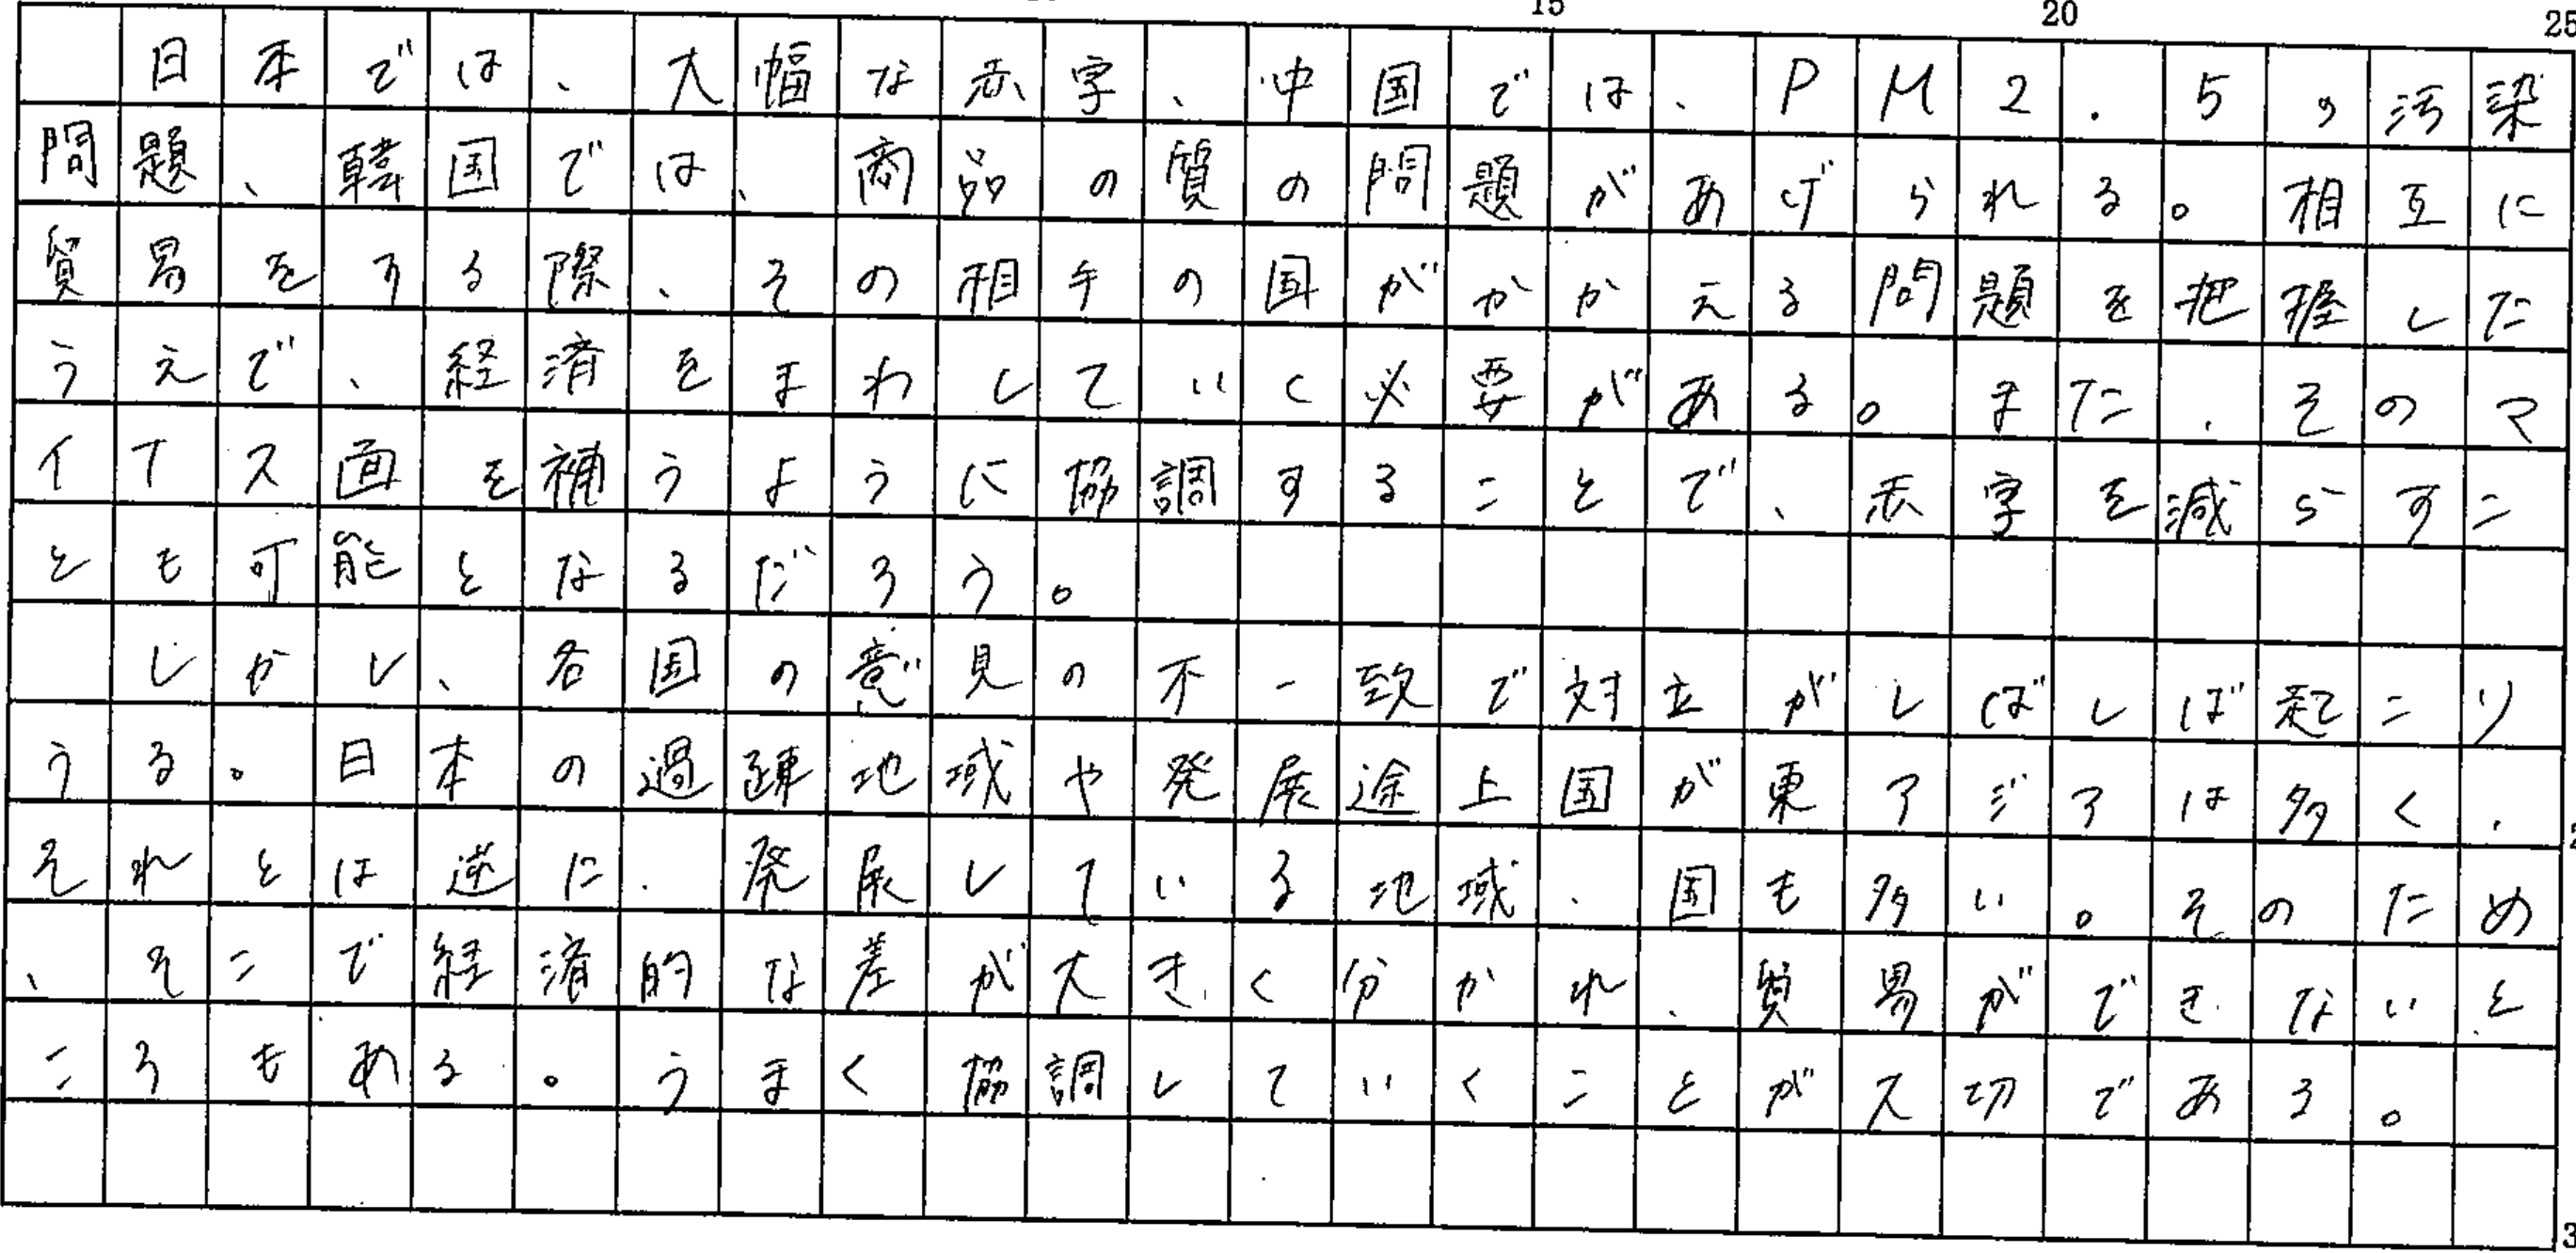　日本では、大幅な赤字、中国では、ＰＭ２．５の汚染問題、韓国では、商品の質の問題があげられる。相互に貿易をする際、その相手の国がかかえる問題を把握したうえで、経済をまわしていく必要がある。また、そのマイナス面を▁うように協調することで、赤字を減らすことも可能となるだろう。
　しかし、各国の意見の不一致で対立がしばしば起こりうる。日本の過疎地域や発展途上国が東アジアは多く、それとは逆に、発展している地域、国も多い。そのため、そこで経済的な差が大きく分かれ、貿易ができないところもある。うまく協調していくことが大切である。
